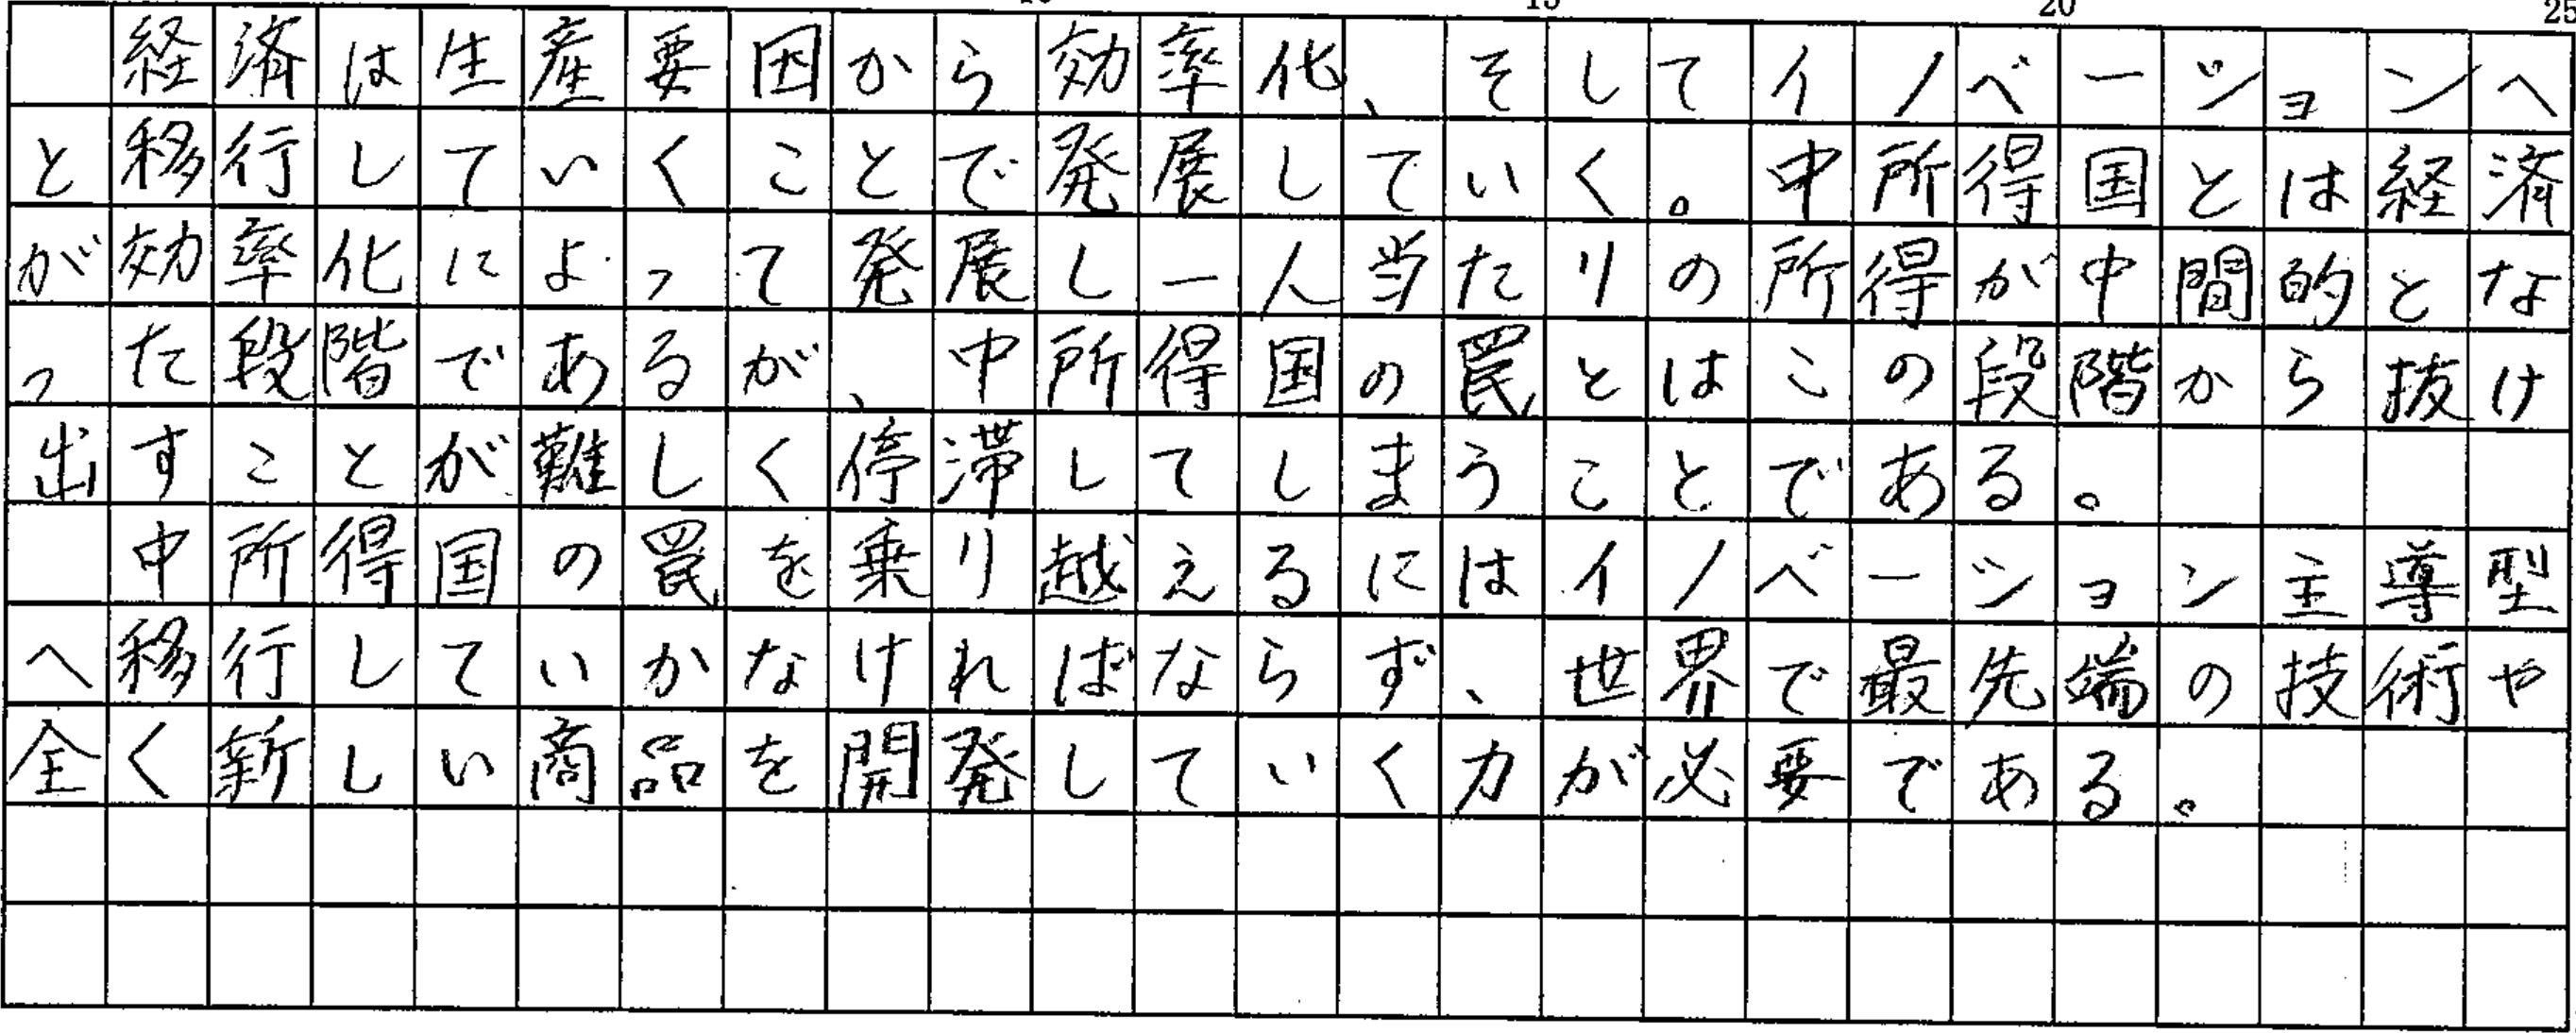　経済は生産要因から効率化、そしてイノベーションへと移行していくことで発展していく。中所得国とは経済が効率化によって発展し一人当たりの所得が中間的となった段階であるが、中所得国の罠とはこの段階から抜け出すことが難しく停滞してしまうことである。
　中所得国の罠を乗り越えるにはイノベーション主導型へ移行していかなければならず、世界で最先端の技術や全く新しい商品を開発していく力が必要である。
